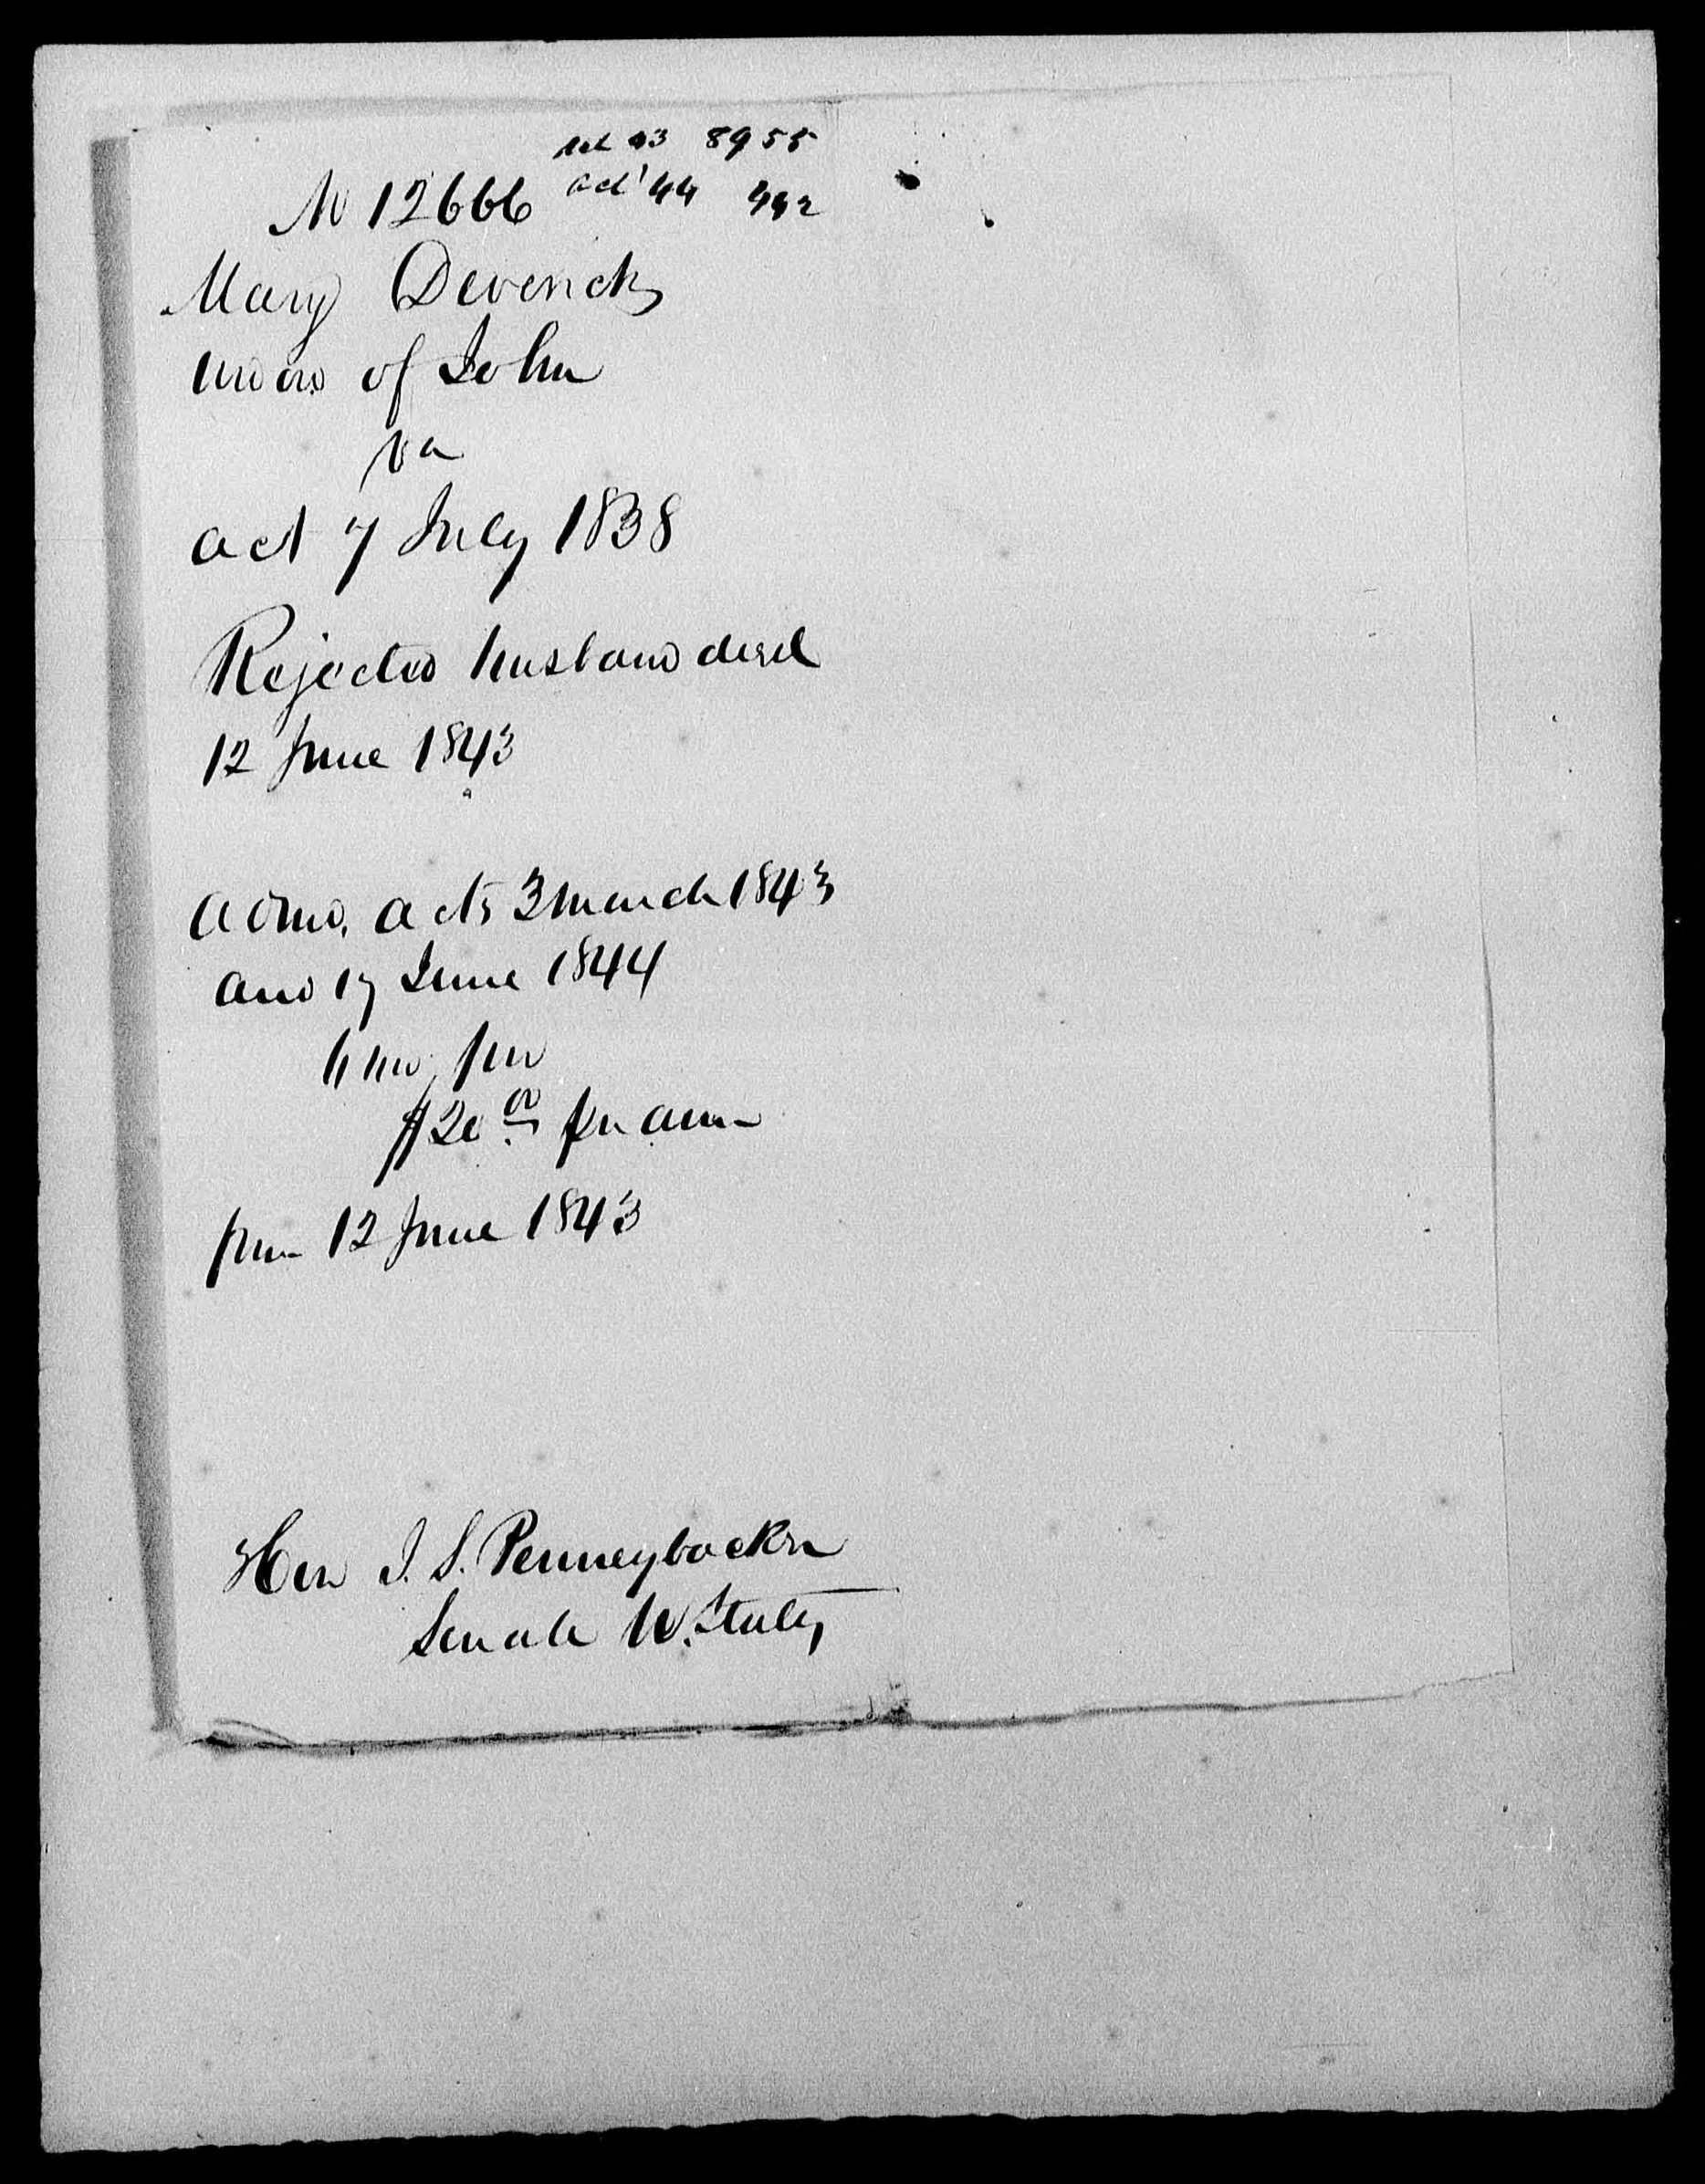Act 43 8955
Act 44 492

[illegible] 12666
Mary Deverick
widow of John
Va
Act 7 July 1838
Rejected husband died
12 June 1843

[illegible] Acts 3 March 1843 and 19 June 1844
[illegible] [illegible]
$20.00 pr anm
[illegible] 12 June 1843

[illegible]  J. S. Penney[illegible]
[illegible] W. [illegible]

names: John, J S Penney, Mary Deverick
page: 24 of 35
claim: widow's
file: W 7007, John Devericks, Va.